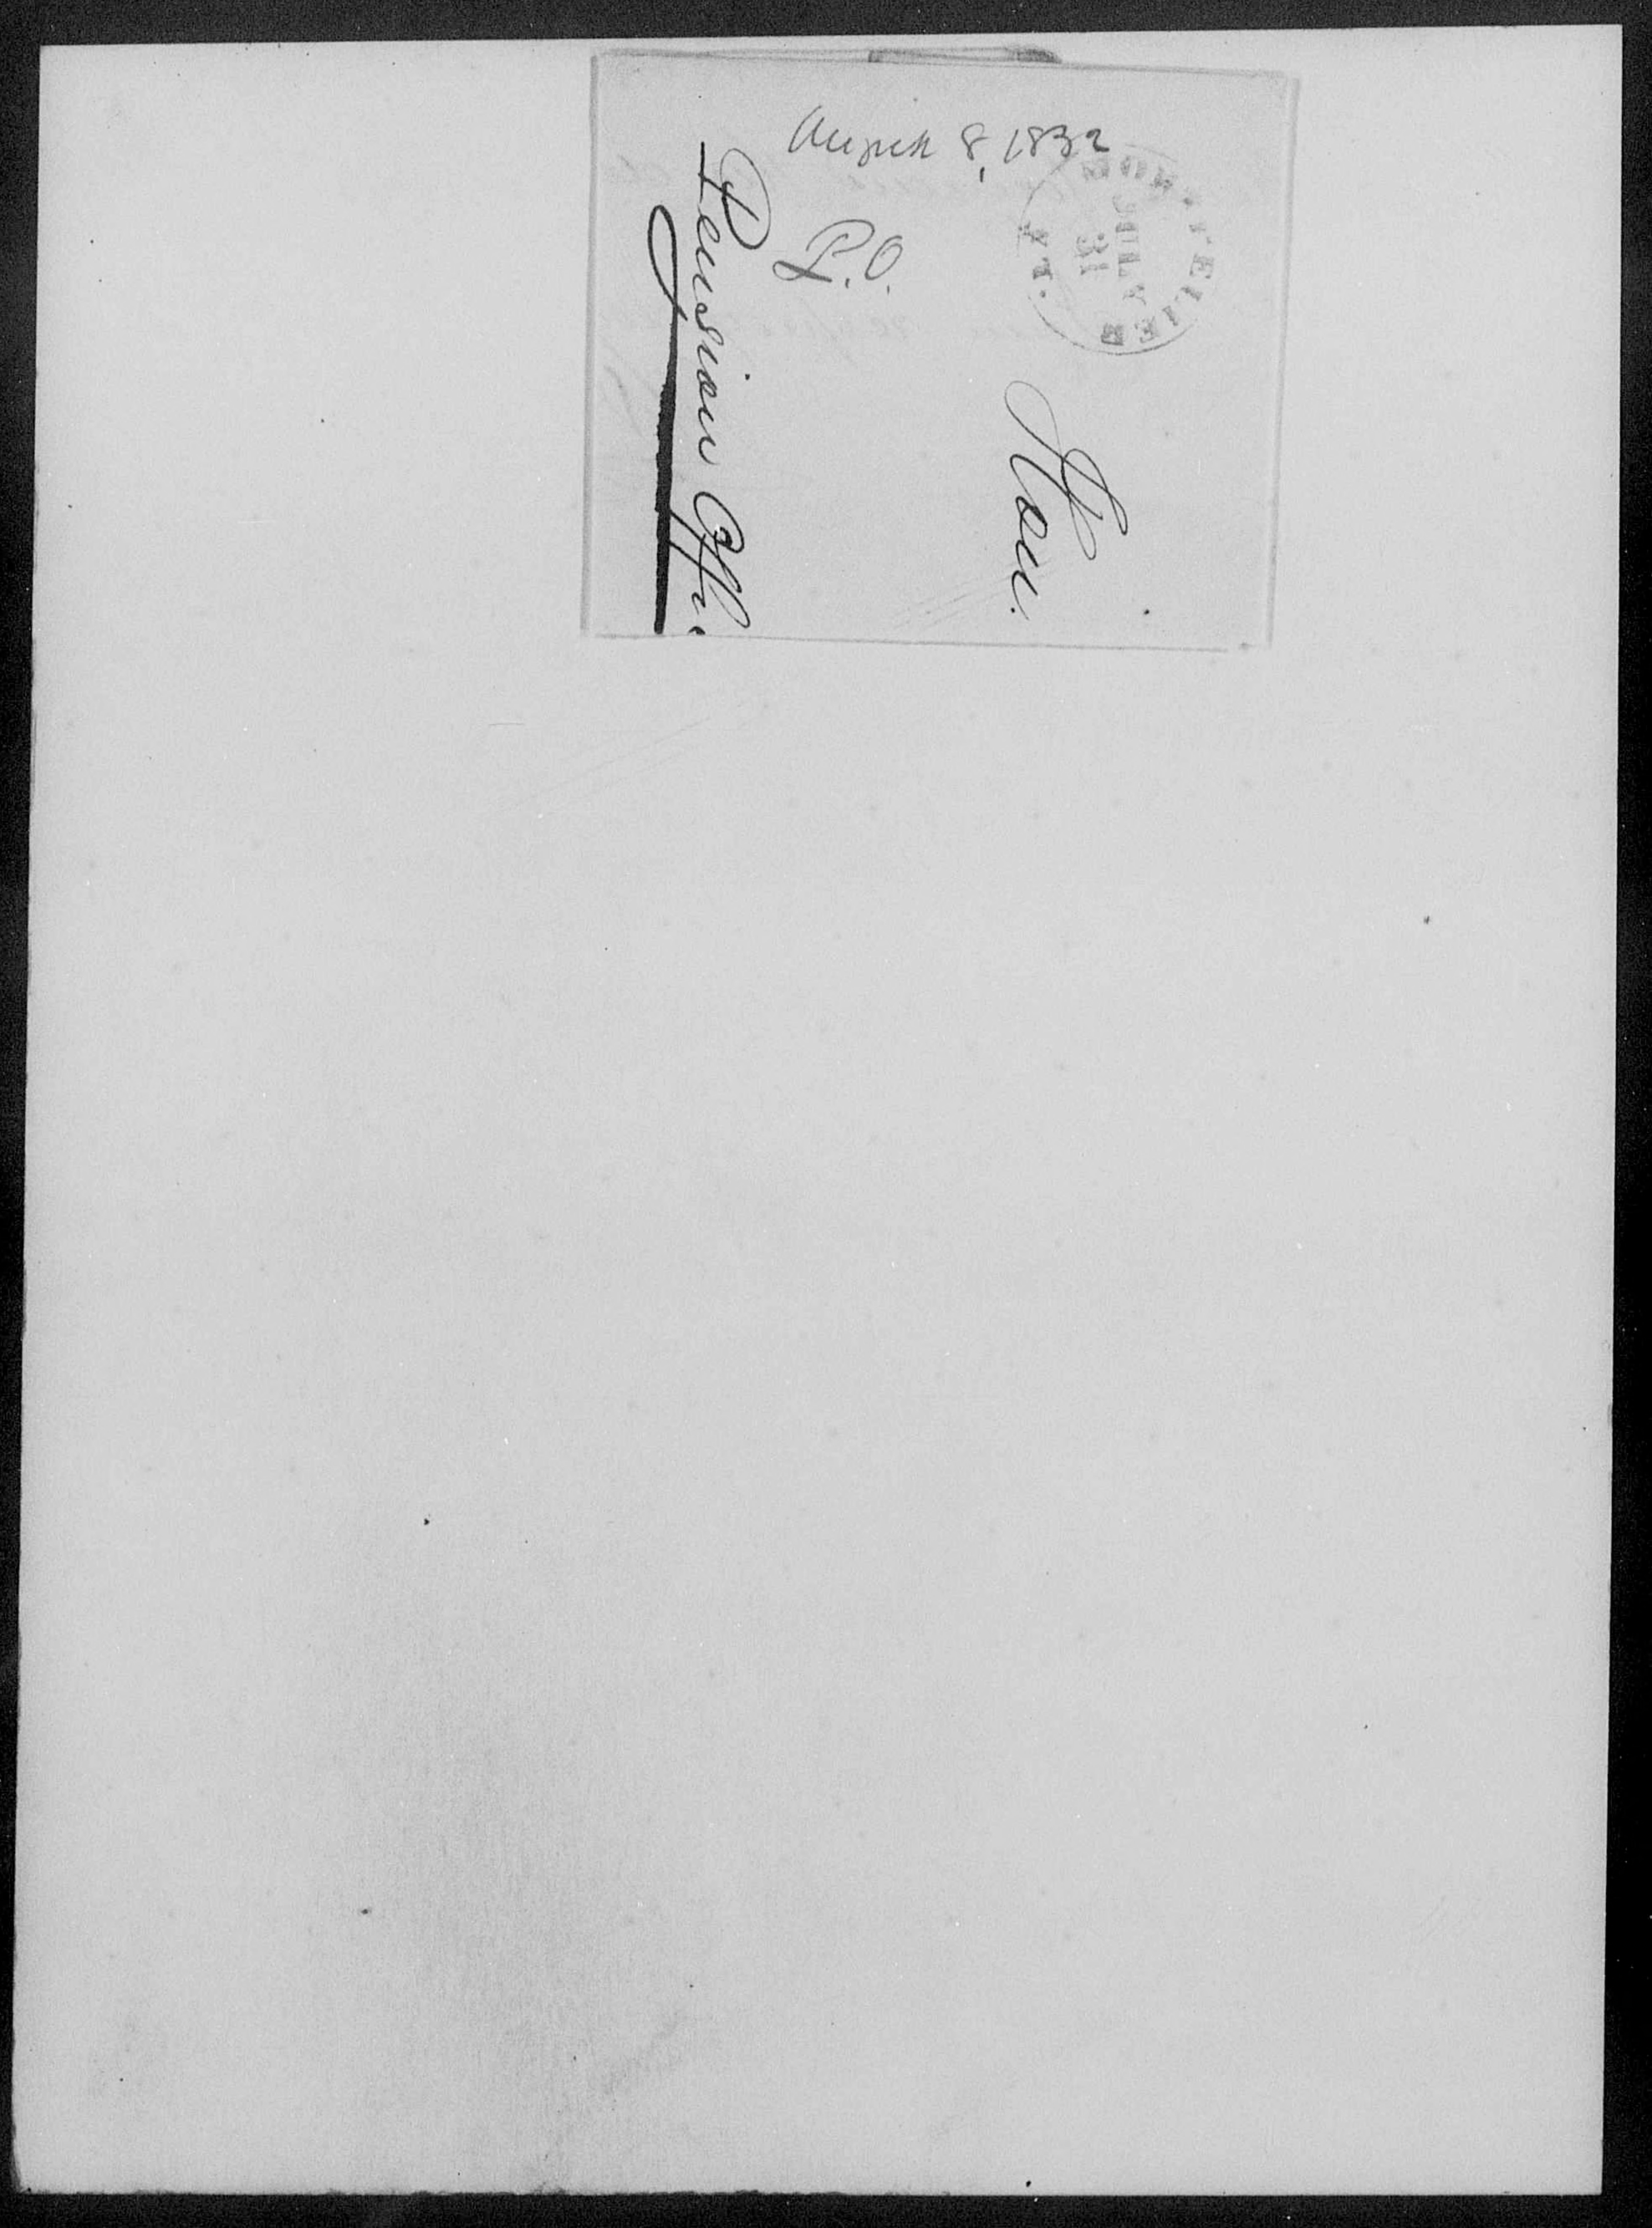August 8, 1832
P?.O.

[round stamp in blank ink, outer circle: MONTPELIER VT., inner circle JULY 31]

[written sideways on left: Pension Office]

[written sideways on right: Hon.?]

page: 17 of 47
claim: widow's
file: W. 225, Gilbert Hatch, Conn.